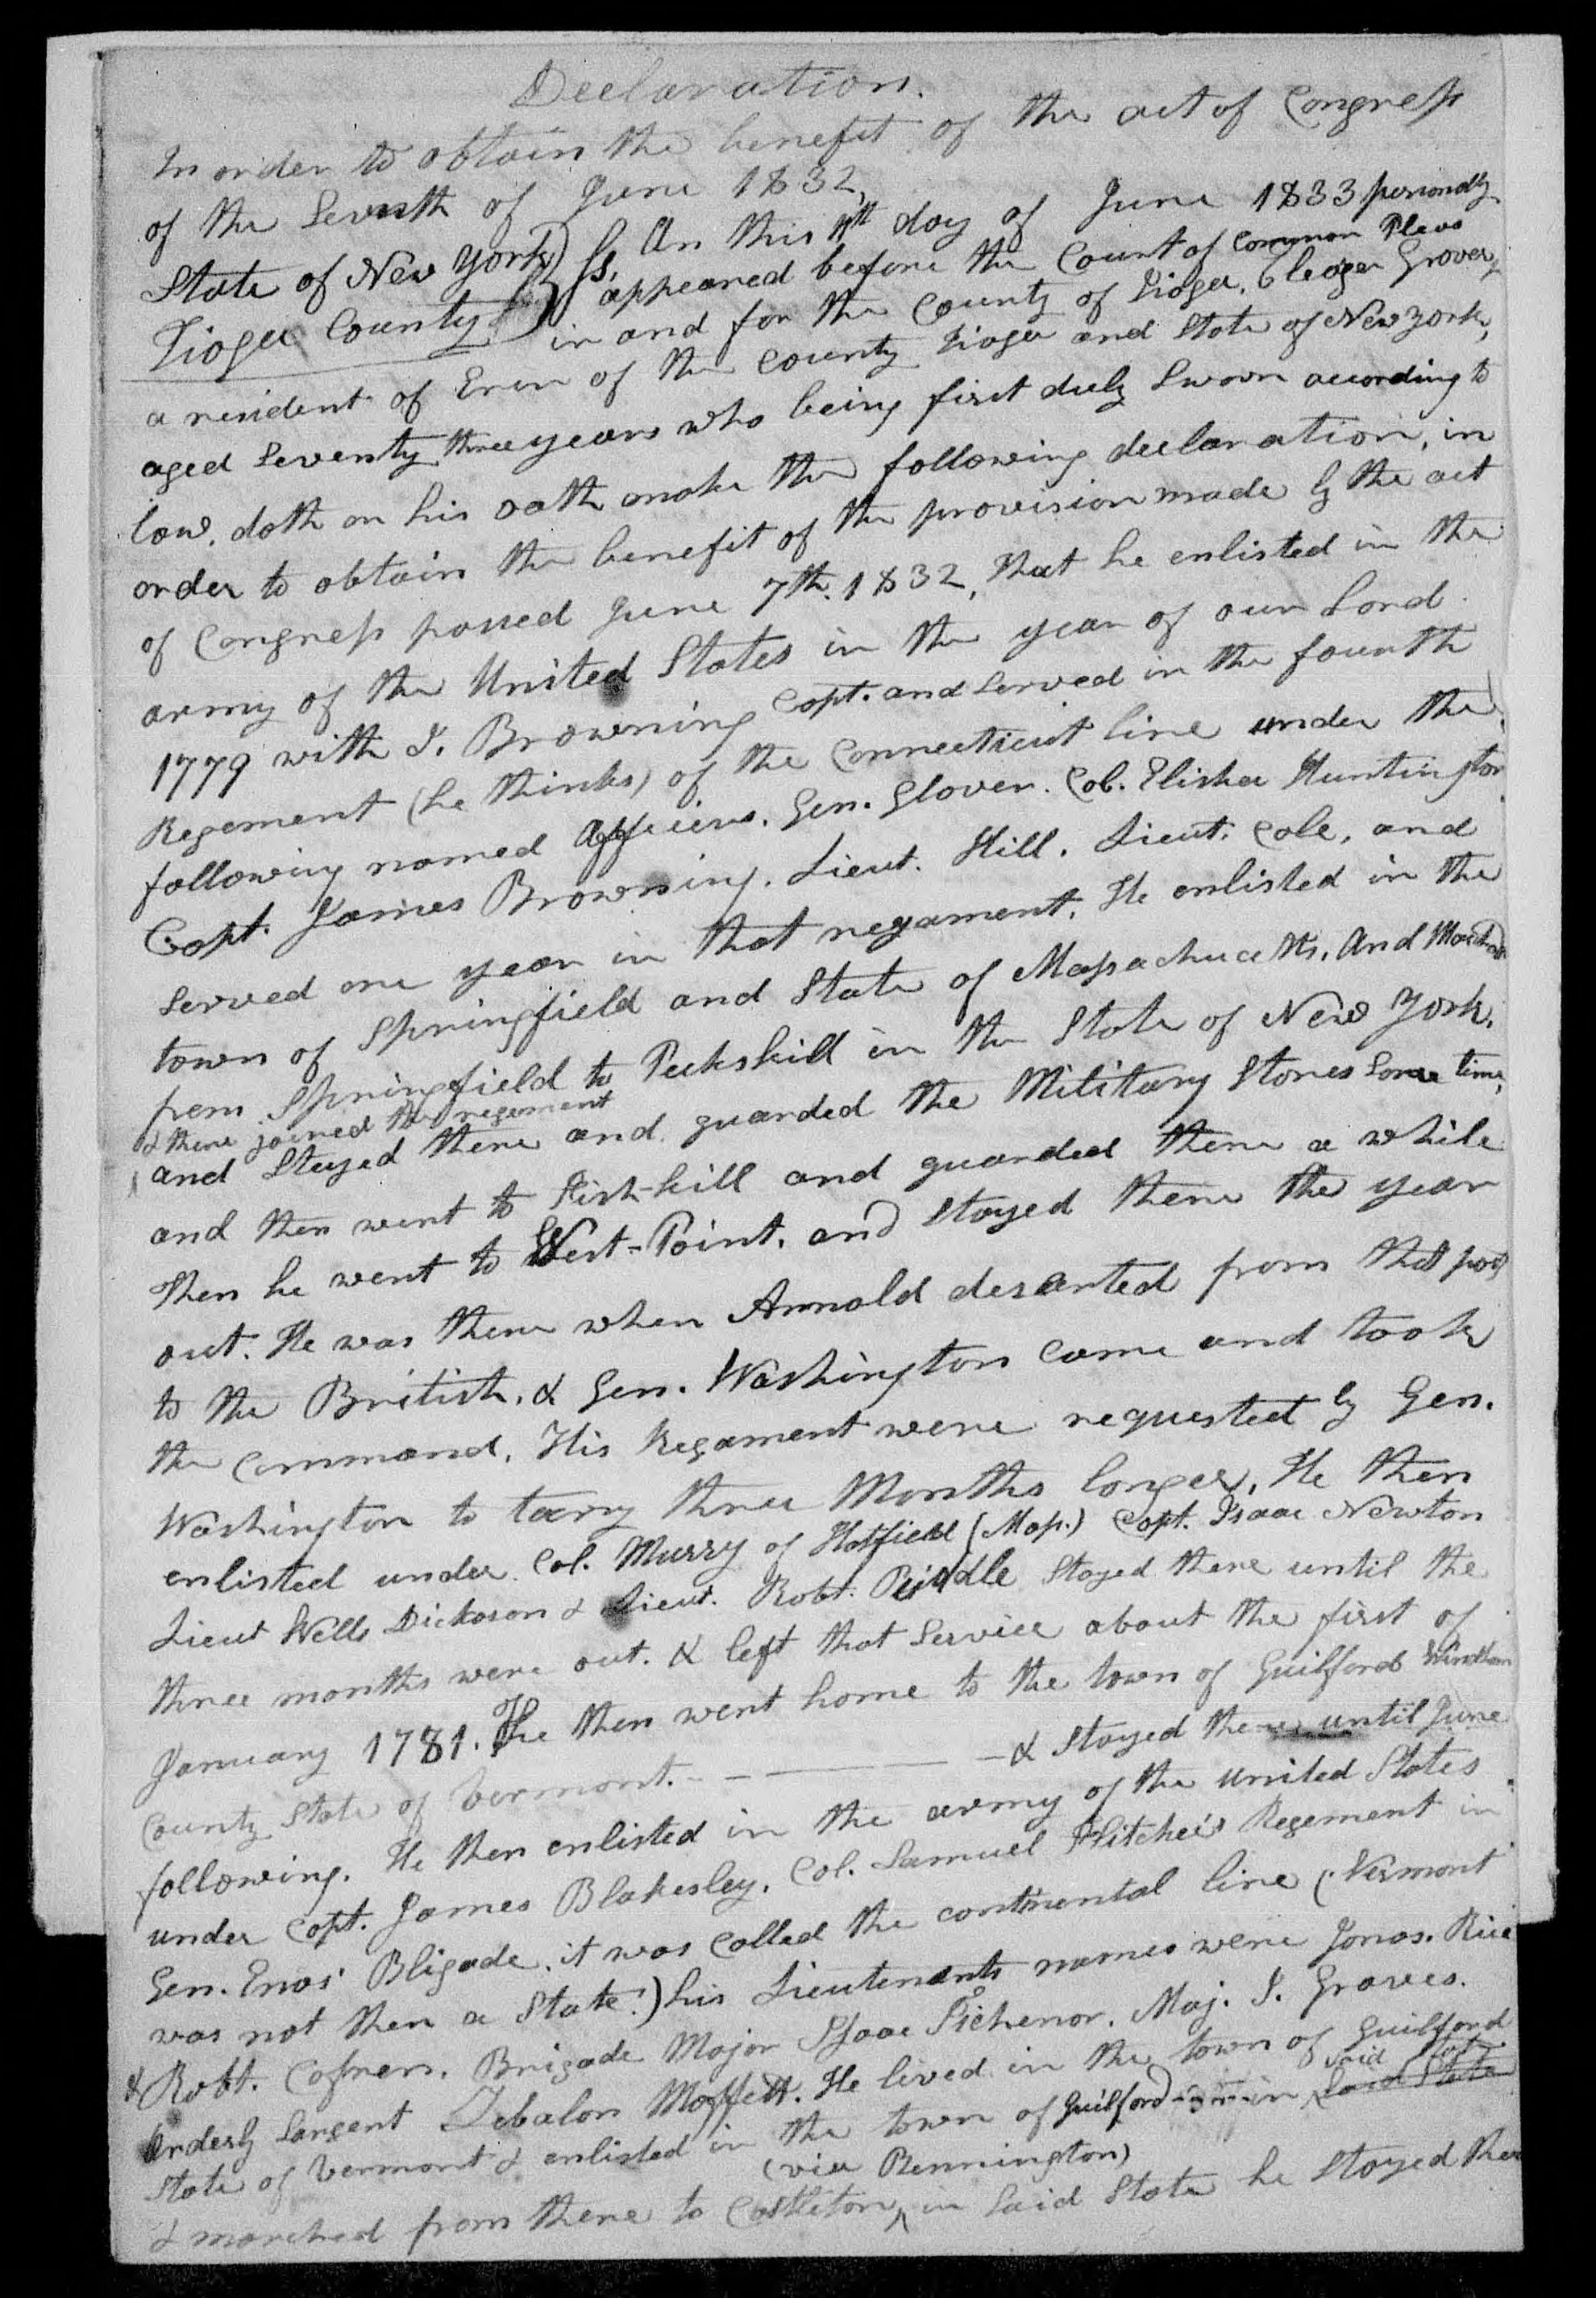Declaration
In order to obtain the benefit of the act of Congress of the Seventh of June 1832
State of New York
Tioga County }ss. On this 11th day of June 1833 personally appeared before the Court of Common Pleas in and for the County of Tioga, Eleazer Grover a resident of Erie of the County Tioga and State of New York, aged seventy three years who being first duly sworn according to law, doth on his oath make the following declaration, in order to obtain the benefit of the provision made by the act of Congress passed June 7th 1832, That he enlisted in the army of the United States in the year of our Lord 1779 with J. Browning Capt. and served in the fourth Regement (he thinks) of the Connecticut line under the following named Officers. Gen. Glover. Col. Elisha Huntington Capt. James Browning. Lieut. Hill. Lieut. Cole, and served one year in that regament. He enlisted in the town of Springfield and State of Massachusetts. And marched from Springfield to Peekskill in the State of New York. & then joined the regement and stayed there and guarded the Military Stores some time, and then went to Fish-kill and guarded the a while Then he went to West-Point, and stayed there the year out. He was there when Arnold deserted from that place to the British, & Gen. Washington came and took the command. His regament were requested by Gen. Washington to tarry three months longer, He then enlisted under Col. Murry (Murray) of Hatfield (Mass.) Capt. Isaac Newton Lieut Wells Dickson (Dickinson) & Lieut. Robt. Puddle Stayed there until the three months were out, & left that Service about the first of January 1781. He then went home to the town of Guilford Windham County State of Vermont. - & stayed there until June following. He then enlisted in the enemy of the United States under Capt. James Blakesley, Col. Samuel Fletcher's Regement in Gen. Enos' Brigade, it was called the continental line (Vermont was not then a State.) his Lieutenants names were Jonas Rice & Robt. Cofman, Brigade Major Isaac Tichenor, Maj. J. Graves. Orderly Sargent Zebalon Moffett He lived in the town of Guilford State of Vermont & enlisted in the town of Guilford in ['said State' crossed out] void State & marched from there to Castleton (via Bennington) in said State he stayed there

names: Zebalon Moffett, James Browning, J Graves, James Blakesley, Jonas Rice, Cole, Washington, Browning, Isaac Tichenor, Glover, Washington, Wells Dickoson, Arnold, Murry, Eleazer Grover, Elisha Huntington, Isaac Newton, Robt Cofren, Hill, Robt Riddle, Enos Bligade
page: 3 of 43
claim: survivor's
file: S. 28748, Eleazer Grover, Continental Mass. Vt.